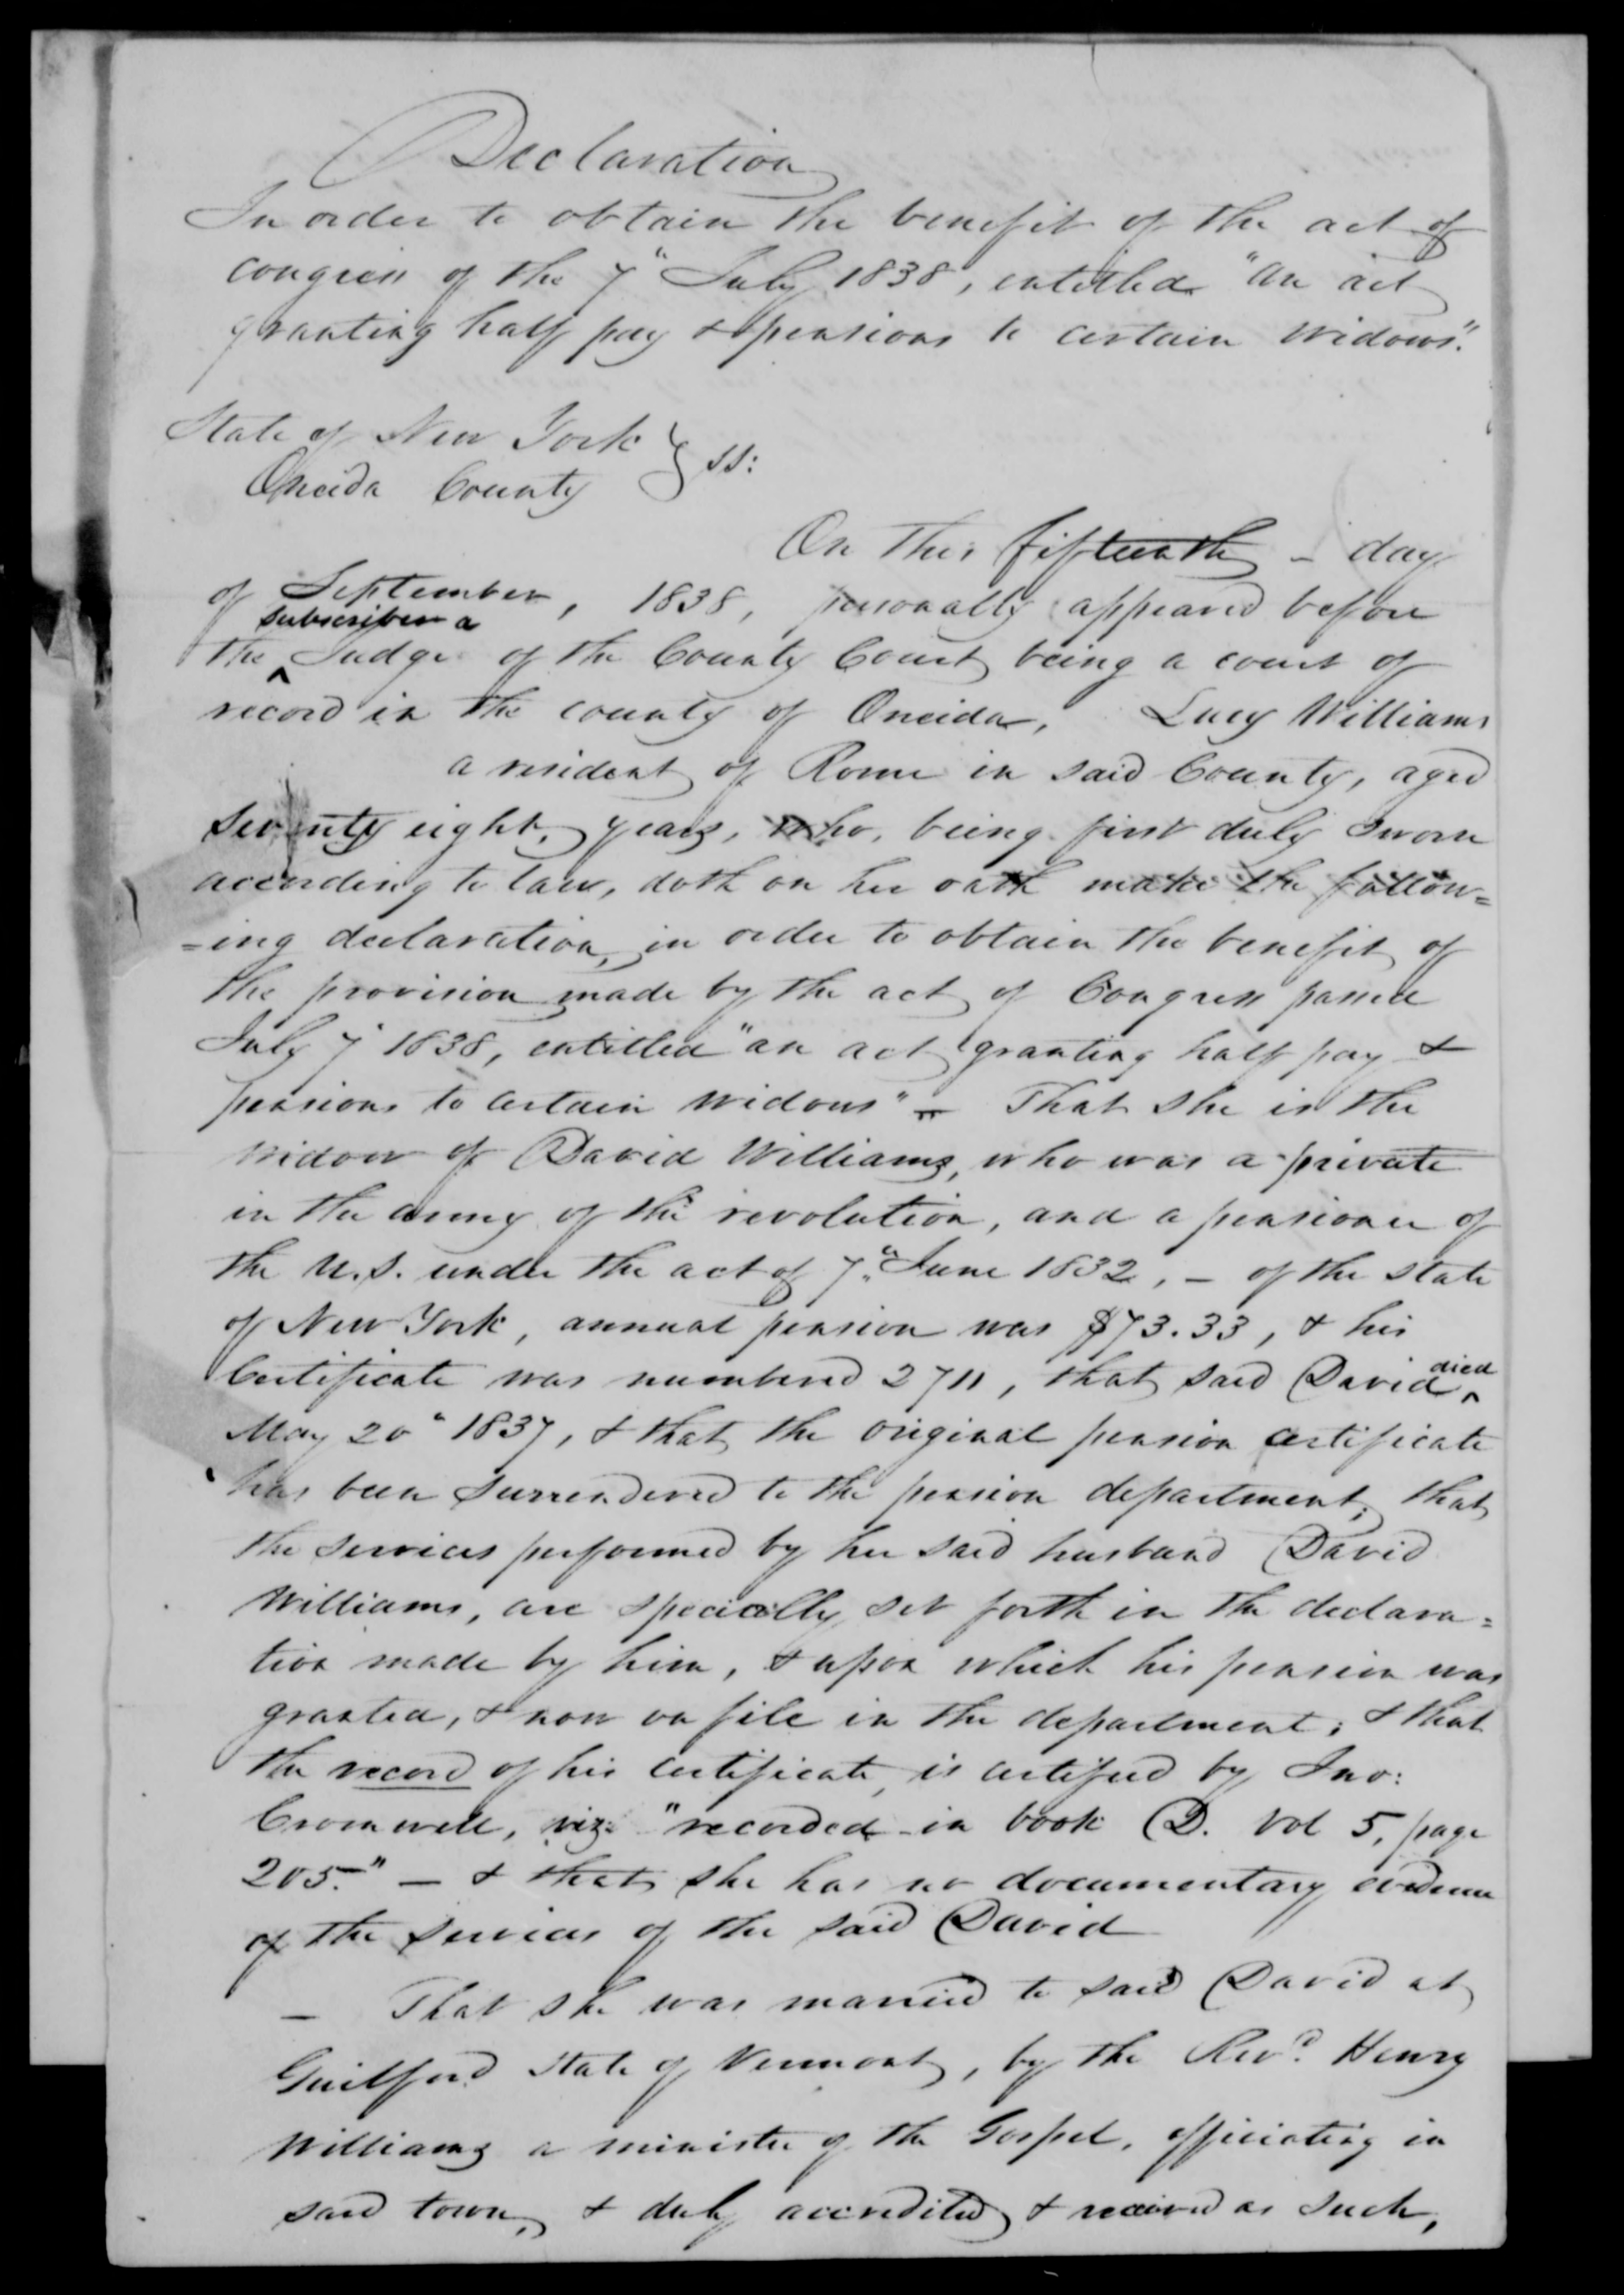Declaration
In order to obtain the benefit of the act of congress of the 7 July 1838, entitled "An act granting half pay pensions to certain widows>"
State of New York Oneida County ss:
On the fifteenth day of September 1838, personally appeared before the subscriber a Judge of the County Court being a court of record in the county of Oneida, Lucy Williams a resident of Rome in said County, aged seventy eight years, who, being first duly sworn according to law, doth on her oath make the following declaration in order to obtain the benefit of the provision made by the act of Congress passed July 7, 1838, entitled "an act granting half pay & pension to certain widows" That she is the widow or David Williams, who was a private in the army of the revolution, and a pensioner of the U. S. under the act o 7 June 1832, of the state of New York, annual pension was $73.33, & his certificate was number 2711, that said David died May 20th 1837, & that the original pension certificate has been surrendered to the pension department, that the services performed by her said husband David Williams, are specially set forth in the declaration made by him, & upon which his pension was granted, & now on file in the department, & that the record of his certificate is certified by Jno. Cromwell, viz> "recorded i book D Vol 5, page 205" & that she has no documentary evidence of the services of the said David, That she was married to said David at Guilford, State of Vermont, by the Revd. Henry Williams a minister of the Gospel, officiating in said town & duly accredited & received as such,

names: Jno Cromwell, Henry Williams, David Williams, Lucy Williams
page: 17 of 63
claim: widow's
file: W. 22,632, David Williams, Conn. Continental Privateer